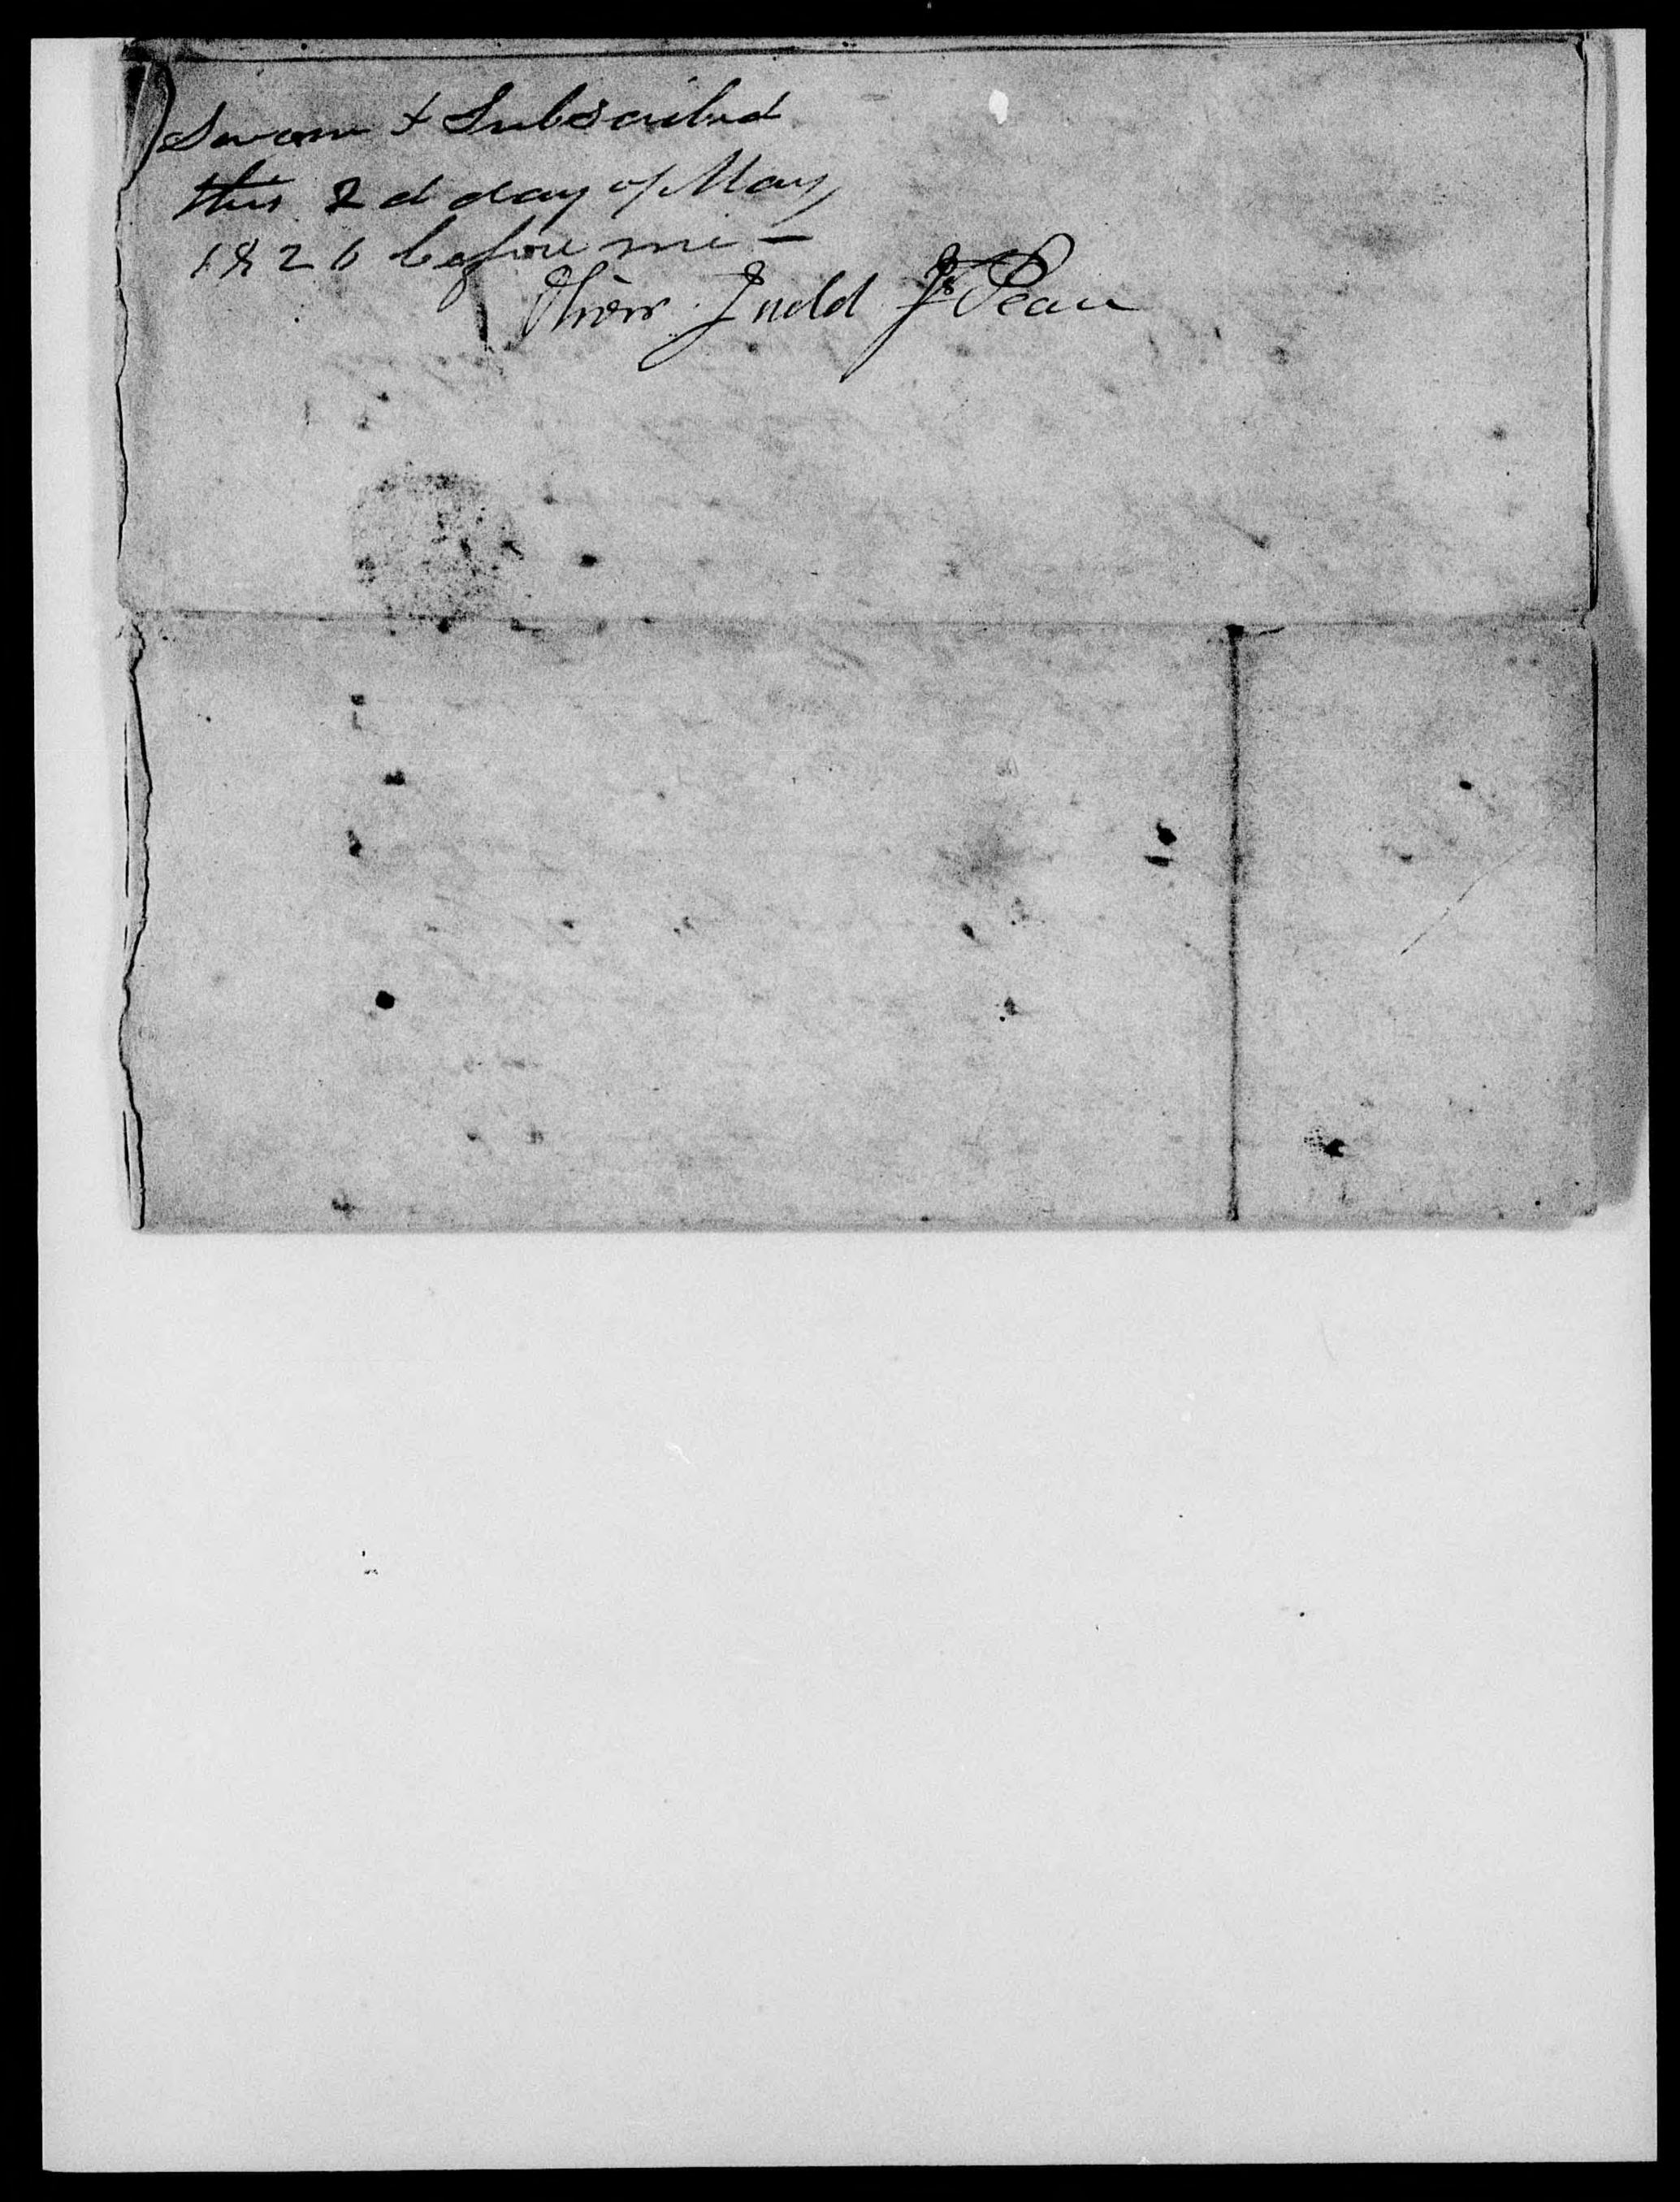Sworn & Subscribed
this 2nd day of May,
1826 before me-
                  Oliver Judd Js [Justice} Peace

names: Oliver Judd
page: 12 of 20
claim: rejected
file: R. 17029, for Joseph Percy, Connecticut